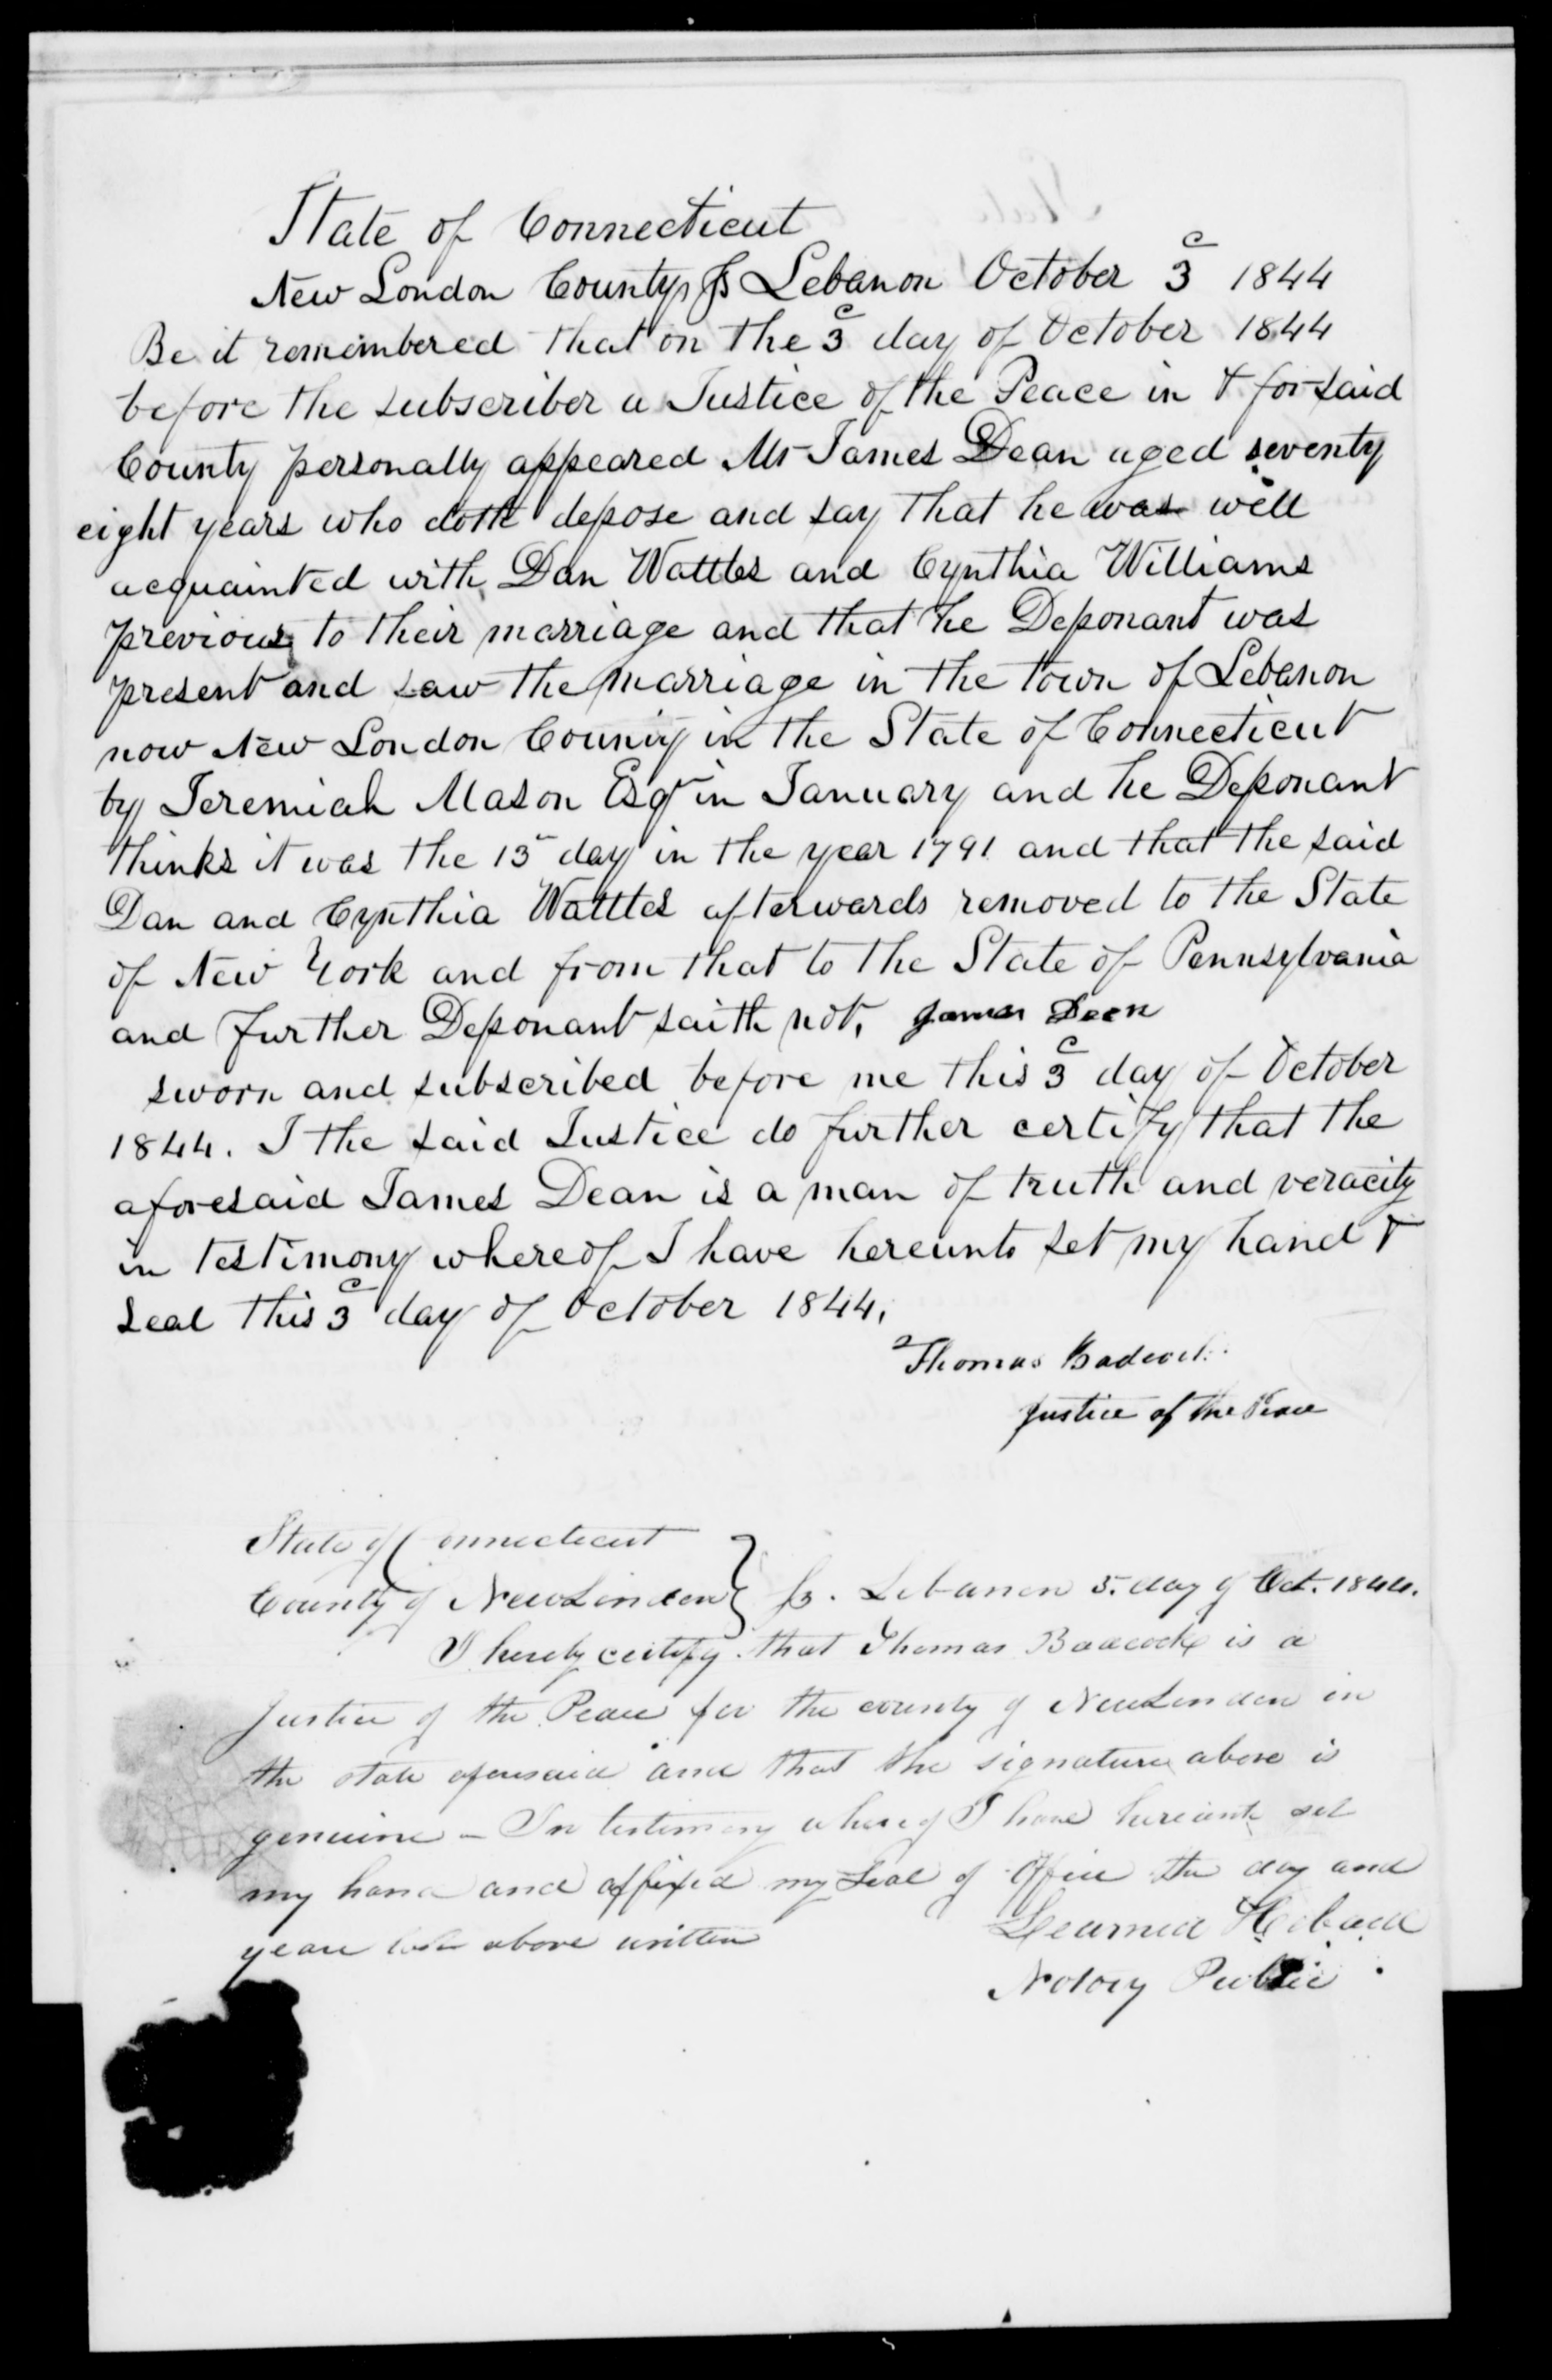State of Connecticut
New London County} ss.    
Lebanon    Oct 3d 1844

Be it remembered that on the 3d day of October 1844 before the subscriber, a Justice of the Peace in & for said County, personally appeared Mr James Dean, aged seventy eight years, who doth depose and say that he was well acquainted with Dan Wattles and Cynthia Williams previously to their marriage and that the Deponent was present and saw the marriage in the town of Lebanon now New London County in the State of Connecticut, by Jeremiah Mason Esq. in January and he, Deponent thinks it was the 13th day in the year 1791 and the the said Dan and Cynthia Wattles afterwards removed to the State of New York and from that to the State of Pennsylvania and further Deponent saith not.    James Dean

Sworn and subscribed before me this 3d day of October 1844.  I, the said Justice do further certify that the aforesaid James Dean is a man of truth and veracity in testimony.  Whereof I have hereunto set my hand & seal this 3d day of October 1844.
Thomas Badcock
Justice of the Peace

State of Connecticut}
County of New London} ss.
Lebanon 5 day of Oct. 1844.

I hereby certify that Thomas Badcock is a Justice of the Peace for the county of New London in the state aforesaid and that the signature above is genuine.  In Testimony whereof I have hereunto set my hand and affixed my seal of office the day and year [   ] above written.
Learned Hoback
Notary Public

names: Cynthia Williams, Thomas Badcock, James Dean, Jeremiah Mason, Dan Wattles, Learned Hoback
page: 53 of 70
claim: widow's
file: W. 3743, Dan Wattles, Conn.